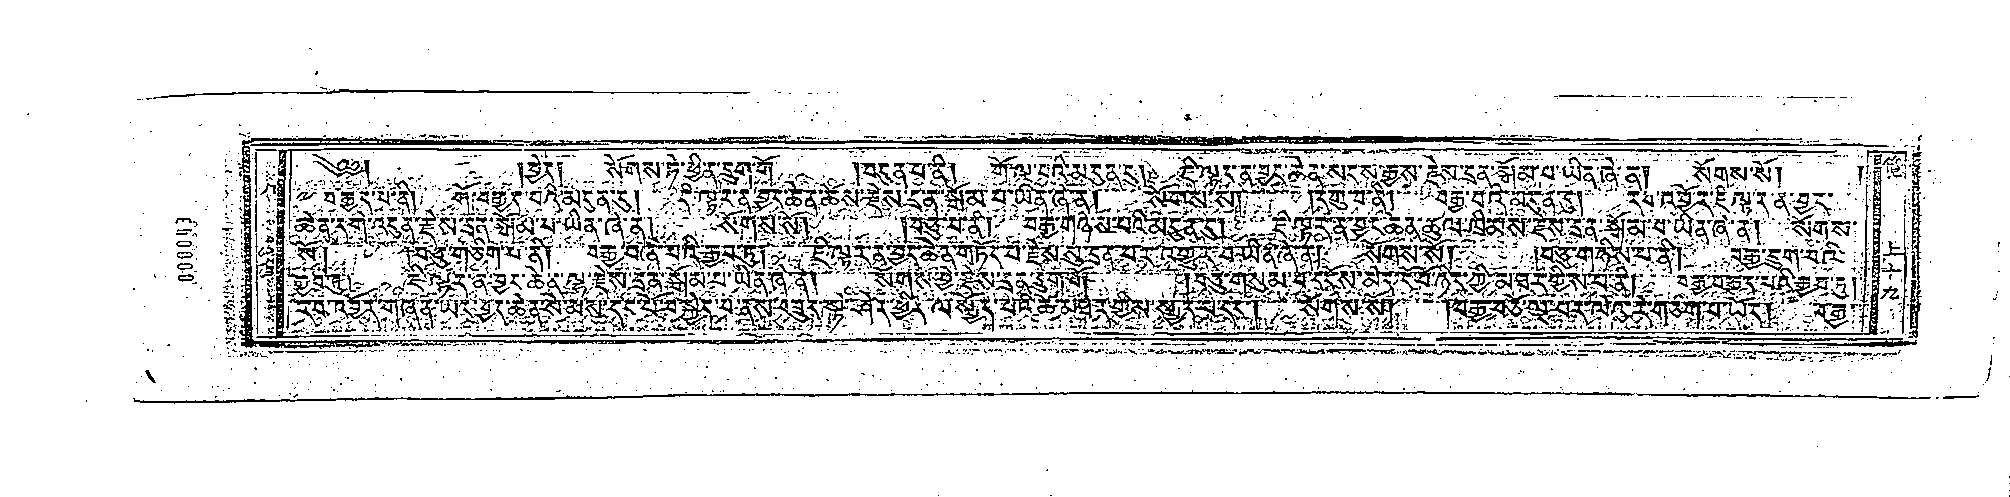༄༅། །བྱེད༑ སོགས་ཏེ་ཕྱིན་དྲུག་གོ །བདུན་པ་ནི། གོ་ལྔ་པའི་མདུན་དུ། ཇི་ལྟར་ན་བྱང་ཆེན་སངས་རྒྱས་རྗེས་དྲན་སྒོམ་པ་ཡིན་ཞེ་ན། སོགས་སོ།
༧་བརྒྱད་པ་ནི། གོ་བརྒྱད་པའི་མདུན་དུ། ཇི་ལྟར་ན་བྱང་ཆེན་ཆོས་རྗེས་དྲན་སྒོམ་པ་ཡིན་ཞེ་ན། སོགས་ས། །དགུ་པ་ནི། བརྒྱ་བའི་མདུན་དུ། རབ་འབྱོར་ཇི་ལྟར་ན་བྱང་
ཆེན་དགེ་འདུན་རྗེས་དྲན་སྒོམ་པ་ཡིན་ཞེ་ན། སོགས་སོ། །བཅུ་པ་ནི། བརྒྱ་གཉིས་པའི་མདུན་དུ། ཇི་ལྟར་ན་བྱང་ཆེན་ཚུལ་ཁྲིམས་རྗེས་དྲན་སྒོམ་པ་ཡིན་ཞེ་ན། སོགས་
སོ། །བཅུ་གཅིག་པ་ནི། བརྒྱ་བཞི་པའི་རྒྱབ་ཏུ། ཇི་ལྟར་ན་བྱང་ཆེན་གཏོར་པ་རྗེས་སུ་དྲན་པར་འགྱུར་བ་ཡིན་ཞེ་ན། སོགས་སོ། །བཅུ་གཉིས་པ་ནི། བརྒྱ་དྲུག་བའི་
རྒྱབ་ཏུ། ཇི་ལྟར་ན་བྱང་ཆེན་ལྷ་རྗེས་དྲན་སྒོམ་པ་ཡིན་ཞེ་ན། སོགས་བྱེ་རྗེས་དྲན་དྲུག་གོ །བཅུ་གསུམ་པ་དངོས་མེད་ངོ་བོ་ཉིད་ཀྱི་མཐར་གྱིས་པ་ནི། བརྒྱ་བརྒྱད་པའི་རྒྱབ་ཏུ།
རབ་འབྱོར་གཞན་ཡང་བྱང་ཆེན་སེམས་དང་པོ་བསྐྱེད་པ་ནས་བཟུང་སྟེ་ཤེར་ཕྱིར་ལ་སྤྱོད་པའི་ཚེ་མཐར་གྱིས་སྤྱད་པ་དང་། སོགས་སོ། །བརྒྱ་བཅོ་ལྔ་པར་ལེའུ་རེ་གཅིག་པ་ཡོད། བརྒྱ་